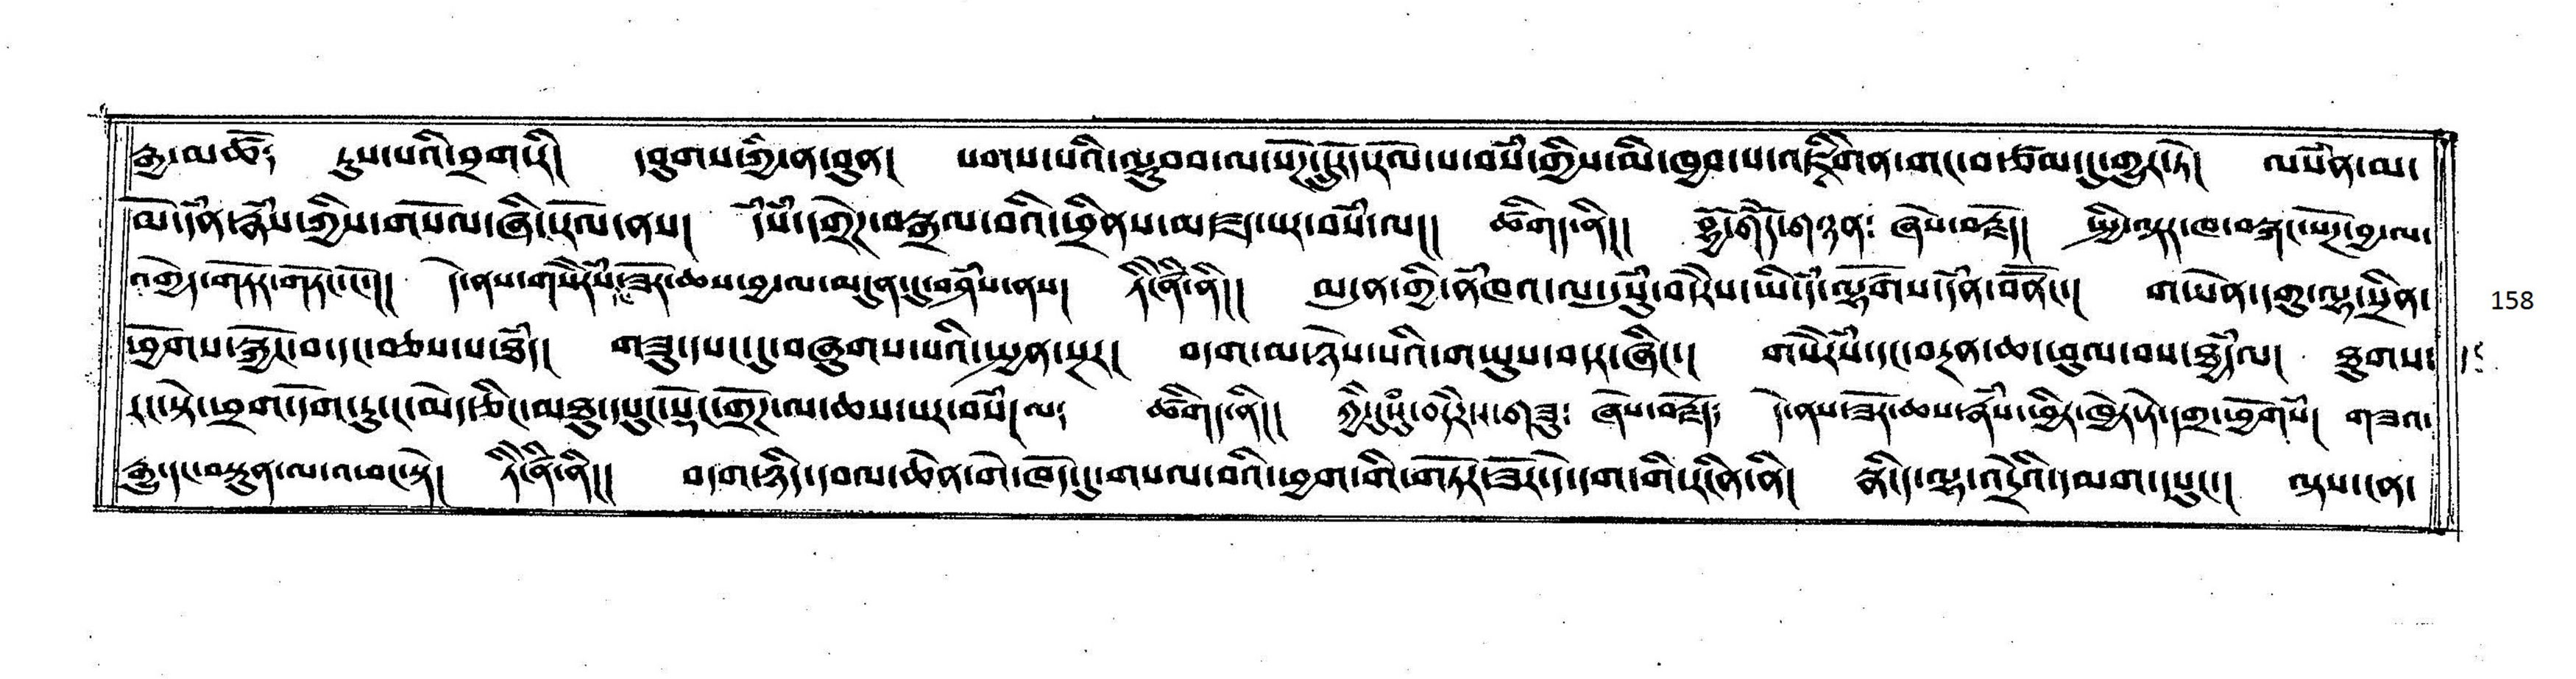རྒྱ་མཚོ། རུས་པའི་བྲག་རི། དབུགས་ཀྱི་ན་བུན། པགས་པའི་ལྷབ་ལྷུབ་ལ་སོགས་དུར་ཁྲོད་རོལ་པ་བསམ་གྱིས་མི་ཁྱབ་པ་འཇིག་རྟེན་གང་བ་ཙམ་དུ་གྱུར་ཏེ། ལས་མཁན་མ་
མོ་དམ་ཅན་རྣམས་ཀྱིས་གསོལ་ཞིང་རོལ་ནས། དམ་ཉམས་དགྲ་བགེགས་བསྒྲལ་བའི་ཕྲིན་ལས་མཛད་པར་བསམ་ལ།། ཚིག་བཤད་ནི།། བྷྱོ་གེ་ཁོད་གཉན༴ ཞེས་བརྗོད། སྤྱི་ལྟར་ཁ་བསྐང་སོགས་བྱ་ལ་
འགྱེད་གཏོར་གཏོང་ངོ་།། དེ་ནས་གསེར་སྐྱེམས་དང་ཟོར་ཆས་བྱ་ལ་མདུན་དུ་བཤམས་ནས། ཏིང་ངེ་འཛིན་ནི།། མདུན་གྱི་ནམ་མཁའ་ལ་དུས་གསུམ་བདེར་གཤེགས་ཡི་དམ་ལྷ་ཚོགས་དམ་ཅན་བོན་སྐྱོང་། གཡེན་དགུ་ལྷ་སྲིན་
ཕྱོགས་སྐྱོང་བ་དང་བཅས་པ་ཐམས་ཅད། གཟུ་དཔང་དུ་བཞུགས་པའི་སྤྱན་སྔར། བདག་མ་ཉེས་པའི་གཡུས་བདར་ཞིང་། གསེར་སྐྱེམས་དང་བརྔན་ཆ་ཕུལ་བས་ཐུགས་དམ་བསྐུལ། ཐུགས་
རང་སྟེ་ཕྲག་དོག་རུ་ང་མེད་ཅིང་མཐུ་དཔུང་སྡོང་གྲོགས་ལ་ཆས་པར་བསམ།ལ། ཚིག་བཤད་ནི། ཀྱཻ་དུས་གསུམ་བདེར་གཤེགས་གཟུ༴ ཞེས་བརྗོད དེ་ནས་ཟོར་ཆས་རྣམས་ཕྱིར་ཁྱེར་ཏེ་དགྲ་ཕྱོགས་སམ། གཟའ་
རྒྱུ་དང་བསྟུན་ལ་འཕང་སྟེ། ཏིང་ངེ་འཛིན་ནི།། བདག་ཉིད་དབལ་ཆེན་གེ་ཁོད་དུ་གསལ་བའི་ཕྱག་གི་གཏོར་ཟོར་དེ་དག་གི་རང་བཞིན་ནི། སྣང་སྲིད་ལྷ་འདྲེའི་དམག་དཔུང་། ལྟས་ངན་